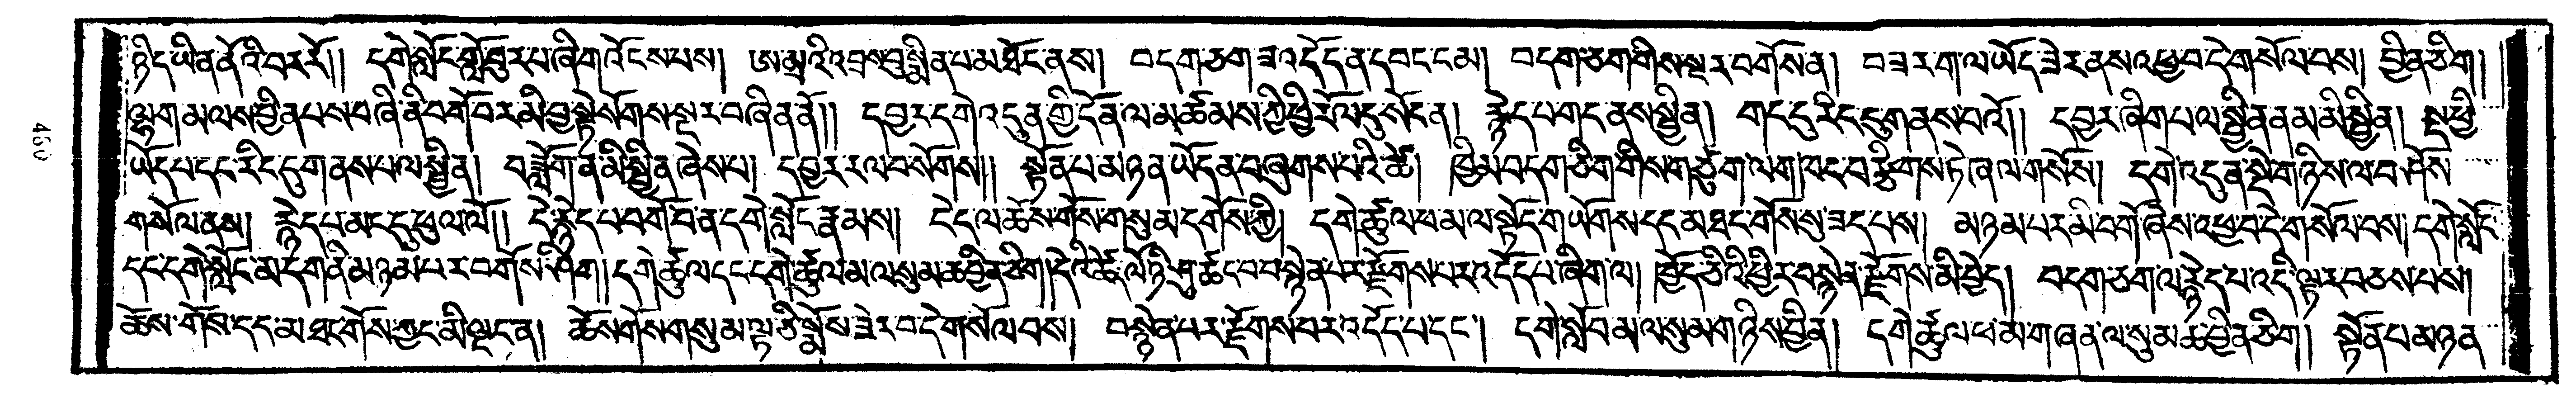ཉིད་ཡིན་ནོའི་བར་རོ།། དགེ་སློང་གློ་བུར་པ་ཞིག་འོངས་པས། ཨ་མྲའི་འབྲས་བུ་སྨིན་པ་མཐོང་ནས། བདག་ཅག་ཟ་འདོད་ན་དབང་ངམ། བདག་ཅག་གིས་སྔར་བགོས་ན། བཟར་ག་ལ་ཡོད་ཟེར་ནས་འཕྱ་བ་དེ་གསོལ་བས། བྱིན་ཅིག།
ལྷག་མ་ལས་བྱིན་པས་བཞི་ནི་བགོ་བར་མི་བྱ་སྟེ་སོགས་སྔར་བཞིན་ནོ།། དབྱར་དགེ་འདུན་གྱི་དོན་ལ་མཚམས་ཀྱི་ཕྱི་རོལ་དུ་སོང་ན། རྙེད་པ་གང་ནས་སྦྱིན། གང་དུ་རིང་དུ་གནས་པའོ།། དབྱར་ཞིག་པ་ལ་སྦྱིན་ནམ་མི་སྦྱིན།། སྔ་ཕྱི་
ཡོད་པ་དང་རིང་དུ་གནས་པ་ལ་སྦྱིན། བཟློག་ན་མི་སྦྱིན་ཞེས་པ། དབྱར་རལ་བ་སོགས།། སྟོན་པ་མཉན་ཡོད་ན་བཞུགས་པའི་ཚེ། ཁྱིམ་བདག་ཅིག་གིས་བཙུག་ལག་ཁང་བརྩིས་ཏེ་ཞལ་གསོས། དགེ་འདུན་སྡེ་གཉིས་ལ་བཤོས་
གསོལ་ནས། རྙེད་པ་མང་དུ་ཕུལ་ལོ།། དེ་རྙེད་པ་བགོ་བ་ན་དགེ་སློང་རྣམས། ངེད་ལ་ཆོས་གོས་གསུམ་དགོས་ཀྱི། དགེ་ཚུལ་ཕ་མ་ལ་སྟོད་གཡོགས་དང་མཐང་གོས་སུ་ཟད་པས། མཉམ་པར་མི་བགོ་ཞེས་འཕྱ་བ་དེ་གསོལ་བས། དགེ་སློང་
དང་དགེ་སློང་མ་དག་ནི་མཉམ་པར་བགོས་ཤིག། དགེ་ཚུལ་དང་དགེ་ཚུལ་མ་ལ་སུམ་ཆ་བྱིན་ཅིག། དེའི་ཚེ་ལོ་ཉི་ཤུ་ཚང་བ་བསྙེན་པར་རྫོགས་པར་འདོད་པ་ཞིག་ལ། ཁྱོད་ཅིའི་ཕྱིར་བསྙེན་རྫོགས་མི་བྱེད། བདག་ཅག་ལ་རྙེད་པ་འདི་ལྟར་བཅས་པས།
ཆོས་གོས་དད་མཐང་གོས་ཀྱང་མི་ལྡང་ན། ཆོས་གོས་གསུམ་ལྟ་ཅི་སྨོས་ཟེར་བ་དེ་གསོལ་བས། བསྙེན་པར་རྫོགས་པར་འདོད་པ་དང་། དགེ་སློབ་མ་ལ་སུམ་གཉིས་བྱིན། དགེ་ཚུལ་ཕ་མ་གཞན་ལ་སུམ་ཆ་བྱིན་ཅིག། སྟོན་པ་མཉན་